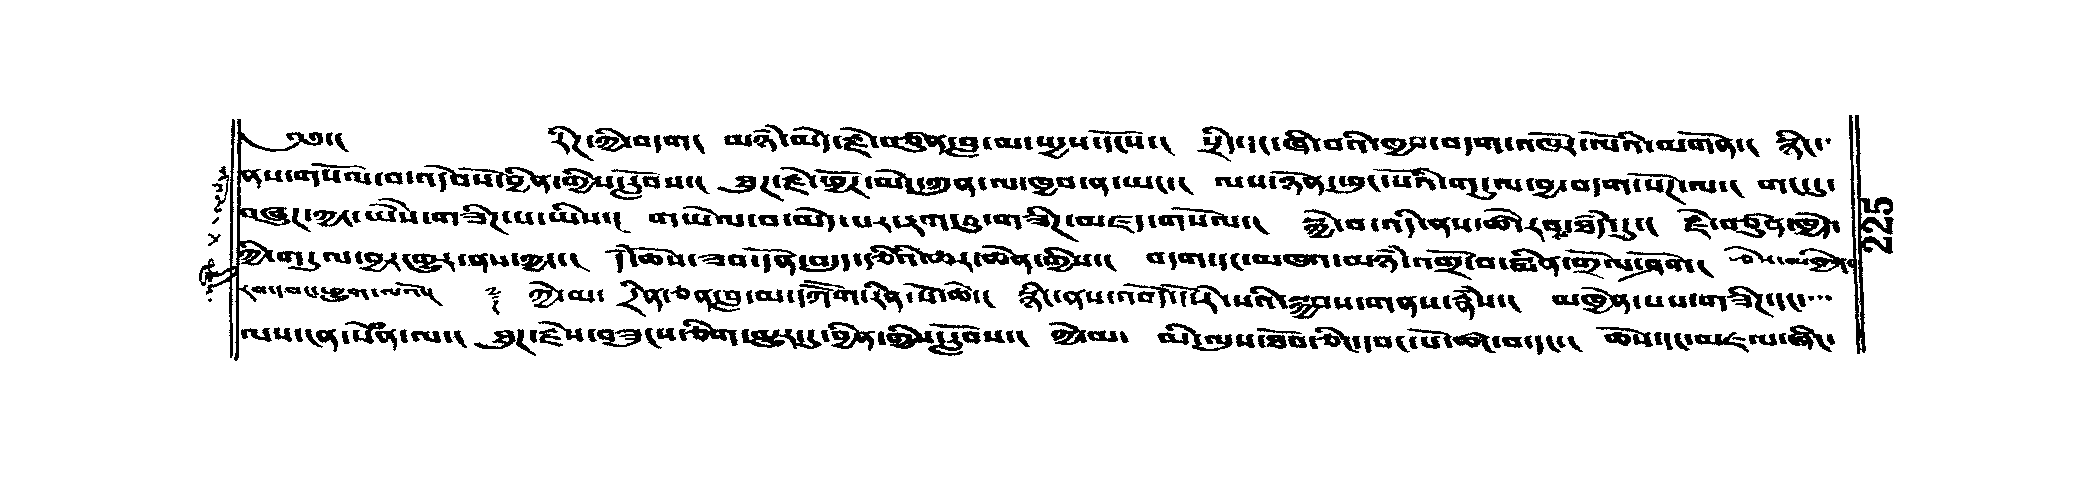རིགས་ཀྱི་བདག །མཉམ་མེད་རྗེ་བཙུན་བླ་མ་སངས་རྒྱས་དངོས། །སྲིད་དང་ཞི་བའི་ཁྱབས་བདག་འཁོར་ལོའི་མགོན། །སྙིང་
ནས་གསོལ་བ་འདེབས་སོ་བྱིན་གྱིས་རློབས། །ཐུགས་རྗེ་ཕྱོགས་མེད་ཀུན་ལ་ཁྱབ་ན་ཡང་། །ལས་ཉོན་ཕུང་པོའི་གདུལ་བྱ་བདག་སོགས་ལ། །གང་དུ་
བཞུགས་ཀྱང་ཡེ་ཤེས་གཟིགས་པ་ཡིས། །གཡེལ་བ་མེད་པར་རྟག་ཏུ་གཟིགས་མཛད་གསོལ། །སྐྱེ་བ་འདི་ནས་ཚེ་རབས་ཐམས་ཅད་དུ། །རྗེ་བཙུན་ཁྱེད་
ཀྱི་གདུལ་བྱར་གྱུར་ནས་ཀྱང་། །དམ་ཆོས་ཟབ་དོན་བདུད་རྩིའི་ཆར་ཆེན་གྱིས། །བདག་དང་མཁའ་མཉམ་འགྲོ་བ་སྨིན་གྲོལ་ཤོག ཅེས་མཁྱེན་
རབ་དབང་ཕྱུག་ལའོ།། ༈ ཀྱེ་མ། དྲིན་ཅན་བླ་མ་དཀོན་མཆོག་རིན་པོ་ཆེ། །སྙིང་ནས་འབོད་དོ་རེ་སའི་སྐྱབས་གནས་རྣམས། །མཁྱེན་པས་གཟིགས་དང་
ལས་ངན་སེམས་ཅན་ལ། །ཐུགས་རྗེས་བཟུངས་ཤིག་མྱུར་དུ་བྱིན་གྱིས་རློབས། ཀྱེ་མ། མི་ལུས་ཐོབ་ཅིང་དབང་པོ་ཚང་བ་དང་། །ཆོས་དང་མཇལ་ཞིང་